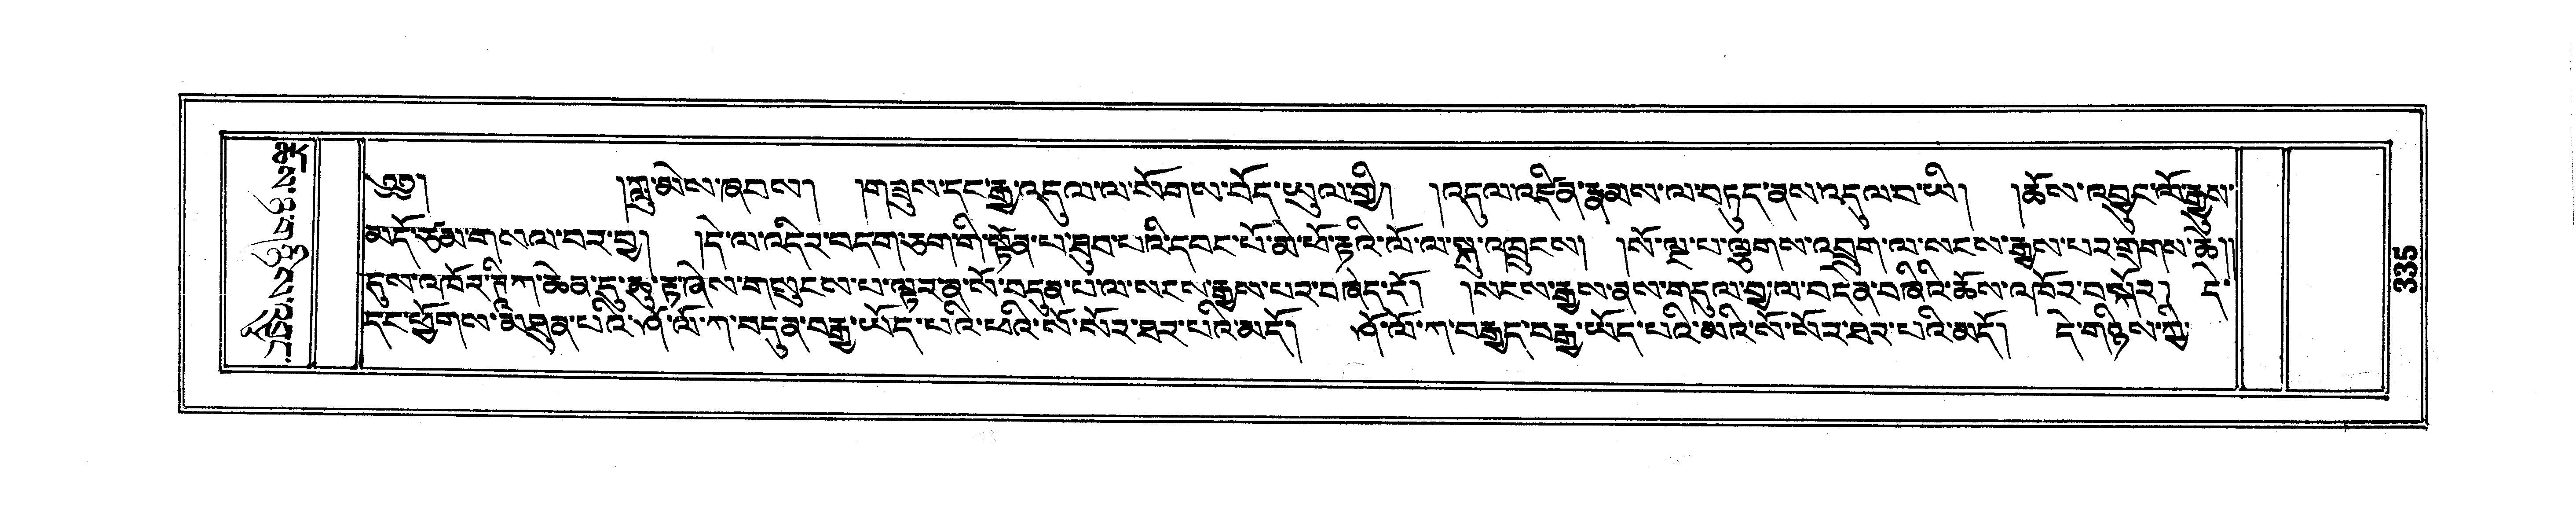༄༅། །ཀླུ་མེས་ཞབས། །གཟུས་དང་རྒྱ་འདུལ་ལ་སོགས་བོད་ཡུལ་གྱི། །འདུལ་འཛིན་རྣམས་ལ་བཏུད་ནས་འདུལ་བ་ཡི། །ཆོས་འབྱུང་ལོ་རྒྱུས་
མདོ་ཙམ་གསལ་བར་བྱ། །དེ་ལ་འདིར་བདག་ཅག་གི་སྟོན་པ་ཐུབ་པའི་དབང་པོ་མེ་ཕོ་རྟའི་ལོ་ལ་སྐུ་འཁྲུངས། །སོ་ལྔ་པ་ལྕགས་འབྲུག་ལ་སངས་རྒྱས་པར་གྲགས་ཆེ། །
དུས་འཁོར་ཊཱིཀ་ཆེན་དུ་ཆུ་རྟ་ཞེས་གསུངས་པ་ལྟར་ན་སོ་བདུན་པ་ལ་སངས་རྒྱས་པར་བཞེད་དོ། །སངས་རྒྱས་ནས་གདུལ་བྱ་ལ་བདེན་བཞིའི་ཆོས་འཁོར་བསྐོར། དེ་
དང་ཕྱོགས་མཐུན་པའི་ཤོ་ལོ་ཀ་བདུན་བརྒྱ་ཡོད་པའི་ཕའི་སོ་སོར་ཐར་པའི་མདོ། ཤོ་ལོ་ཀ་བརྒྱད་བརྒྱ་ཡོད་པའི་མའི་སོ་སོར་ཐར་པའི་མདོ། དེ་གཉིས་ཀྱི་